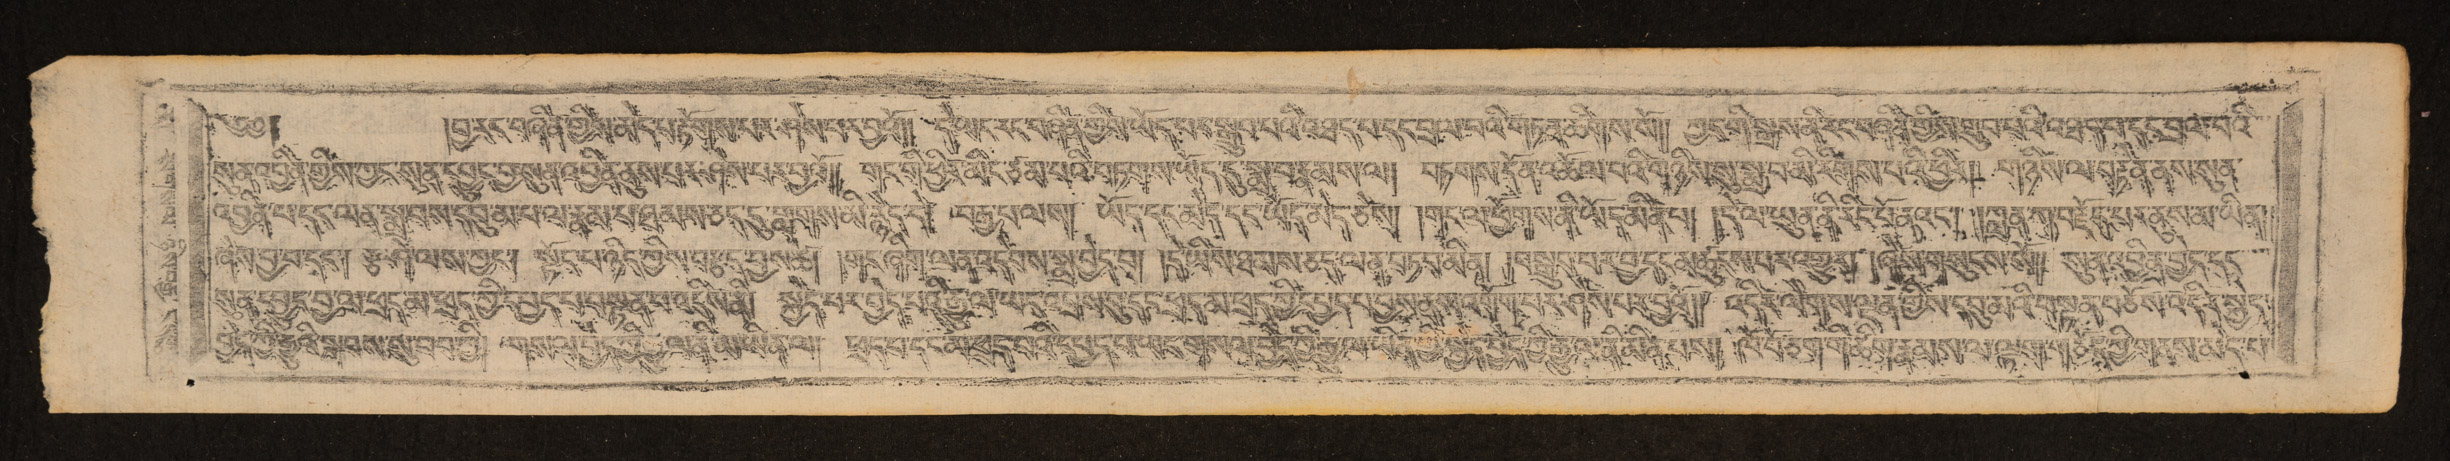༄༅། །བྱ་རང་བཞིན་གྱིས་མེད་པ་རྟོགས་པར་ཤེས་པར་བྱའོ།། དེ་ཡང་རང་བཞིན་གྱིས་ཡོད་པར་སྒྲུབ་པའི་འཐད་པ་དང་བྲལ་བའི་གཏན་ཚིགས་སོ།། ཀྱང་གི་སྒྲས་ནི་རང་བཞིན་གྱིས་གྲུབ་པའི་འཐད་པ་དང་བྲལ་བའི་
སུན་འབྱིན་གྱིས་ཀྱང་སུན་དབྱུང་བྱ་སུན་འབྱིན་ནུས་པའི་ཤེས་པར་བྱའོ།། གང་གི་ཕྱིར་མིང་ཙམ་པའི་བཏགས་ཡོད་དུ་སྨྲ་བ་རྣམས་ལ། བཏགས་དོན་འཚོལ་བའི་གཉིས་སུ་སྨྲ་བ་མི་རིགས་པའི་ཕྱིར། གཉིས་ལ་བརྟེན་ནས་སུན་
འབྱིན་པ་དང་ལན་སྨྲ་བས་དབུ་མ་པ་ལ་རྣམ་པ་ཐམས་ཅད་དུ་གླགས་མི་རྙེད་དེ། བརྒྱ་པ་ལས། ཡོད་དང་མེད་དང་ཡོད་མེད་ཅེས། །གང་ལ་ཕྱོགས་ནི་ཡོད་མིན་པ། །དེ་ལ་ཡུན་ནི་རིང་པོ་ནའང་། །ཀླན་ཀ་བརྗོད་པར་ནུས་མ་ཡིན།།
ཞེས་བྱ་བ་དང་། རྩ་ཤེ་ལས་ཀྱང་། སྟོང་པ་ཉིད་ཀྱིས་བརྩད་བྱས་ཚེ། །གང་ཞིག་ལན་འདེབས་སྨྲ་བྱེད་པ། །དེ་ཡིས་ཐམས་ཅད་ལན་བཏབ་མིན། །བསྒྲུབ་པར་བྱ་དང་མཚུངས་པར་འགྱུར། །ཞེས་གསུངས་སོ།། སུན་འབྱིན་བྱེད་དང་
སུན་དབྱུང་བྱ་ལ་ཕྲད་མ་ཕྲད་ཀྱི་དཔྱད་པ་བསྟན་པ་འདིས་ནི། སྐྱེད་པར་བྱེད་པའི་རྒྱུ་ལ་ཡང་འབྲས་བུ་དང་ཕྲད་མ་ཕྲད་ཀྱི་དཔྱད་པ་བྱས་ནས་འགོག་པར་ཤེས་པར་བྱའོ།། འདིར་ལེགས་ལྡན་གྱིས་དབུ་མའི་བསྟན་བཅོས་འདིར་སྐྱེད་
བྱེད་ཀྱི་རྒྱུའི་སྐབས་སུ་བབ་ཀྱི། གསལ་བྱེད་ཀྱི་རྒྱུ་ལ་ནི་མ་ཡིན་ལ། ཕྲད་པ་དང་མ་ཕྲད་པའི་དཔྱད་པ་ཡང་གསལ་བྱེད་གྱི་རྒྱུ་ལ་ཡིན་གྱི་སྐྱེད་བྱེད་ཀྱི་རྒྱུ་ལ་ནི་མིན་པས། ཁོ་བོ་ཅག་གི་ཚིག་རྣམས་ལ་ལྟག་གཅོད་ཀྱི་གནས་མེད་པ་